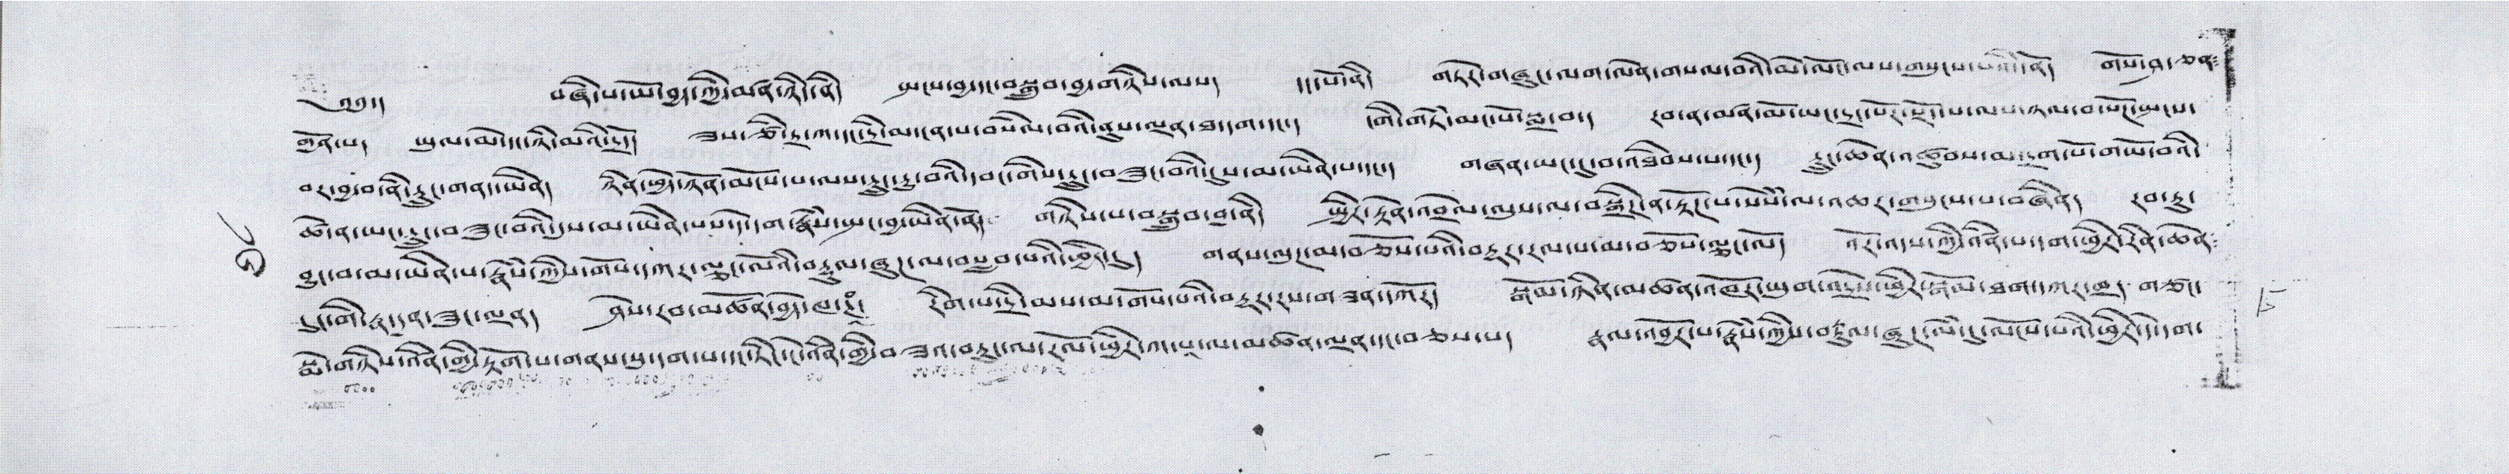བཞི་པ་ཡོ་བྱད་ཀྱི་མཚན་ཉིད་ནི། སྤང་བྱ་དང་བསྒྲུབ་བྱ་གཉིས་ལས། དང་པོ་ནི། གཏེར་གཞུང་ལག་ལེན་གསལ་བའི་མེ་ལོང་ལས་གསུངས་པའི་དོན། གོས་ཤ་ཅན་
གྱོན་པ། ཡུལ་མེ་དང་ཉི་མའི་དྲོད། ཟས་ཙི་ཏྲ་ཀ་དང་དྲི་མ་ངན་པ་བསིལ་བའི་ནུས་ལྡན་ཐ་དག་དང་། ངག་གི་གཏམ་མང་པོ་སྨྲ་བ། རབ་ན་མཚན་མོ་ཡང་དྲང་པོར་སྡོད་པ་ལས་ཉལ་བ་སོགས་སྤང་
བར་བྱ་བ་ནི་རླུང་གནད་ཡིན། ཉིན་ཕྱེད་ཉོན་མོངས་པ་ལས་རླུང་རྒྱུ་བའི་དབང་གིས་རླུང་བཟུང་བའི་དུས་མ་ཡིན་པ་དང་། གཞན་ཡང་དུ་བ་འཐིབས་པ་དང་། རླུང་ཆེན་འཚུབས་མ་དྲག་པོ་གཡོ་བའི་
ཚེ་ན་ཡང་རླུང་བཟུང་བའི་དུས་མ་ཡིན་པས་དེ་དག་རྣམས་སྤང་བྱ་ཡིན་ནོ། །གཉིས་པ་བསྒྲུབ་བྱ་ནི། སྤྱིར་རྟེན་འབྲེལ་ལུས་ལ་བསྒྲིགས་ན་རྟོགས་པ་སེམས་ལ་འཆར་གསུངས་པ་བཞིན། རབ་ཏུ་
བྱུང་བ་མ་ཡིན་པ་རྣམས་ཀྱིས་གོས་དཀར་ལྕང་ལོའི་བརྟུལ་ཞུགས་ལ་བསླབ་པའི་ཕྱིར་དུ། གནས་ལུགས་མ་བཅོས་པའི་བརྡར་རལ་པ་མ་བཅོས་ལྕང་ལོ། འཁོར་འདས་ཀྱི་འཛིན་པ་དག་ཕྱིར་རིན་ཆེན་
དུང་གི་རྣ་རྒྱན་ཟུང་ལྡན། ཤེས་རབ་མཚོན་བྱེད་ཁ་ཊཾ། རིག་པ་དྲི་མས་མ་གོས་པའི་བརྡར་རས་གཟན་དཀར་པོ། སྒོམ་ཉིན་མཚན་ཁོར་ཡུག་འདྲེས་ཕྱིར་སྒོམ་ཐག་དཀར་ཁྲ། གཙང་
སྨེ་གཉིས་འཛིན་གྱི་རྟོག་པ་གནས་སུ་དག་པ་དང་ཏིང་ངེ་འཛིན་གྱི་བཟའ་བཏུང་ལ་རོལ་ཕྱིར་ཀ་པཱ་ལ་མཚན་ལྡན་དང་བཅས་པ། རྣལ་འབྱོར་པ་རྣམས་ཀྱིས་རྟུལ་ཞུགས་ལམ་དུ་ལོངས་པའི་ཕྱིར་དེ་དག་